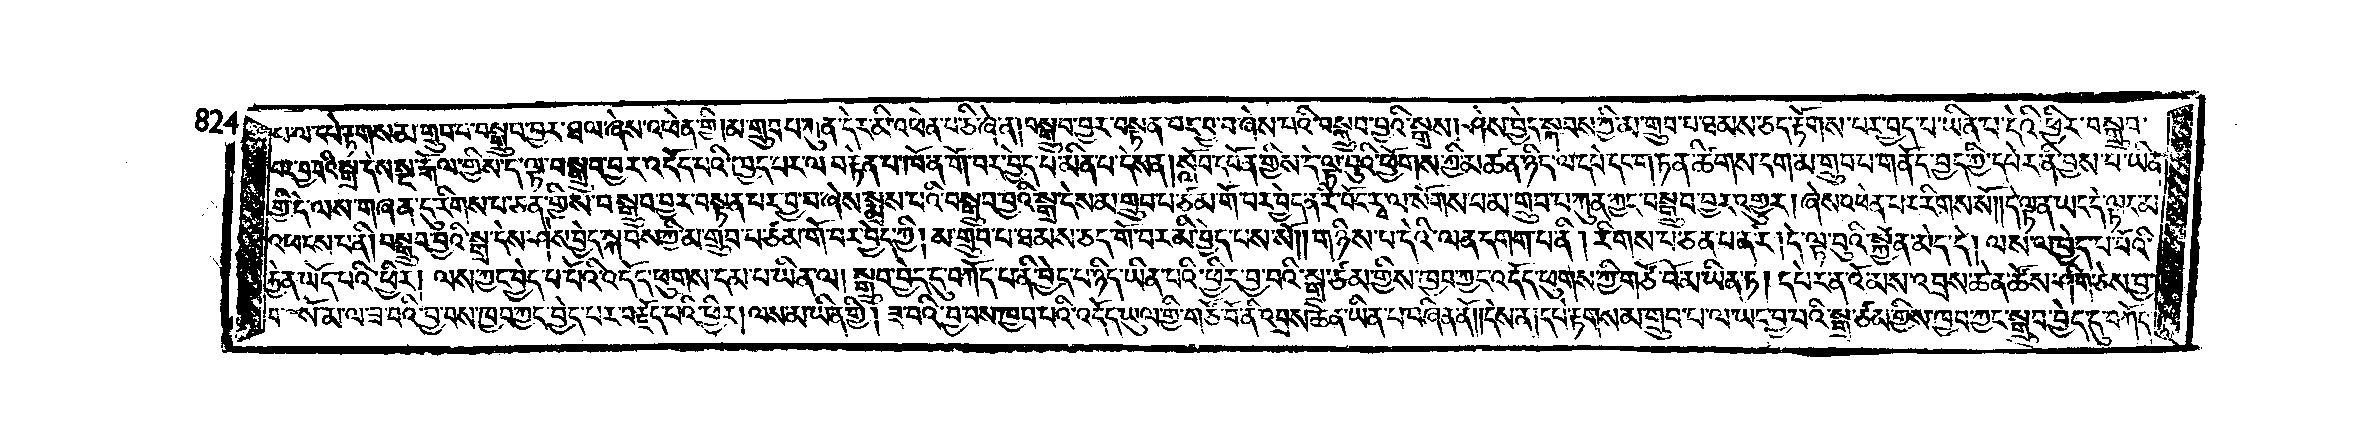པ་ལ་དཔེ་རྟགས་མ་གྲུབ་པ་བསྒྲུབ་བྱར་ཐལ་ཞེས་འཕེན་གྱི། མ་གྲུབ་པ་ཀུན་དེར་མི་འཕེན་པ་ཅི་ཞེ་ན། བསྒྲུབ་བྱར་བསྟན་པར་བྱ་བ་ཞེས་པའི་བསྒྲུབ་བྱའི་སྒྲས། ཤེས་བྱེད་སྐབས་ཀྱི་མ་གྲུབ་པ་ཐམས་ཅད་རྟོགས་པར་བྱེད་པ་ཡིན་པ་དེའི་ཕྱིར་བསྒྲུབ་
པར་བྱ་བའི་སྒྲ་དེས་སྔ་རྒོལ་གྱིས་ད་ལྟ་བསྒྲུབ་བྱར་འདོད་པའི་ཁྱད་པར་ལ་བརྟེན་པ་ཁོ་ན་གོ་བར་བྱེད་པ་མིན་པ་དེས་ན། སློབ་དཔོན་གྱིས་དེ་ལྟ་བུའི་ཕྱོགས་ཀྱི་མཚན་ཉིད་ལ་དཔེ་དང་གཏན་ཚིགས་དག་མ་གྲུབ་པ་གནོད་བྱེད་ཀྱི་དཔེར་ནི་བྱས་པ་ཡིན་
གྱི་དེ་ལས་གཞན་དུ་རིགས་པ་ཅན་གྱིས་བསྒྲུབ་བྱར་བསྟན་པར་བྱ་བ་ཞེས་སྨྲས་པའི་བསྒྲུབ་བྱའི་སྒྲ་དེས་མ་གྲུབ་པ་ཙམ་གོ་བར་བྱེད་ན་རི་བོང་རVཨ་ལ་སོགས་པ་མ་གྲུབ་པ་ཀུན་ཀྱང་བསྒྲུབ་བྱར་འགྱུར། ཞེས་འཕེན་པར་རིགས་སོ། །དེ་ལྟ་ན་ཡང་དེ་ལྟར་མ་
འཕངས་པ་ནི། བསྒྲུབ་བྱའི་སྒྲ་དེས་ཤེས་བྱེད་སྐབས་ཀྱི་མ་གྲུབ་པ་ཙམ་གོ་བར་བྱེད་ཀྱི། མ་གྲུབ་པ་ཐམས་ཅད་གོ་བར་མི་བྱེད་པས་སོ། །གཉིས་པ་དེའི་ལན་དགག་པ་ནི། རིགས་པ་ཅན་པ་ན་རེ། དེ་ལྟ་བུའི་སྐྱོན་མེད་དེ། ལས་ལ་བྱེད་པ་པོའི་
རྐྱེན་ཡོད་པའི་ཕྱིར། ལས་ཀྱང་བྱེད་པ་པོའི་འདོད་ཕུགས་དམ་པ་ཡིན་ལ། སྒྲུབ་བྱེད་དུ་བཀོད་པ་ནི་བྱེད་པ་ཉིད་ཡིན་པའི་ཕྱིར་བྱ་བའི་སྒྲ་ཙམ་གྱིས་ཁྱབ་ཀྱང་འདོད་ཕུགས་ཀྱི་གཙོ་བོ་མ་ཡིན་ཏེ། དཔེར་ན་འོ་མས་འབྲས་ཆེན་ཚོས་ཤིག་ཅེས་བྱ་
བ་སོ་མ་ལ་ཟ་བའི་བྱ་བས་ཁྱབ་ཀྱང་བྱེད་པར་བརྗོད་པའི་ཕྱིར། ལས་མ་ཡིན་གྱི། ཟ་བའི་བྱ་བས་ཁྱབ་པའི་འདོད་ཡུལ་གྱི་གཙོ་བོ་ནི་འབྲས་ཆེན་ཡིན་པ་བཞིན་ནོ། །དེས་ན། དཔེ་རྟགས་མ་གྲུབ་པ་ལ་ཡང་བྱ་བའི་སྒྲ་ཙམ་གྱིས་ཁྱབ་ཀྱང་སྒྲུབ་བྱེད་དུ་བཀོད་